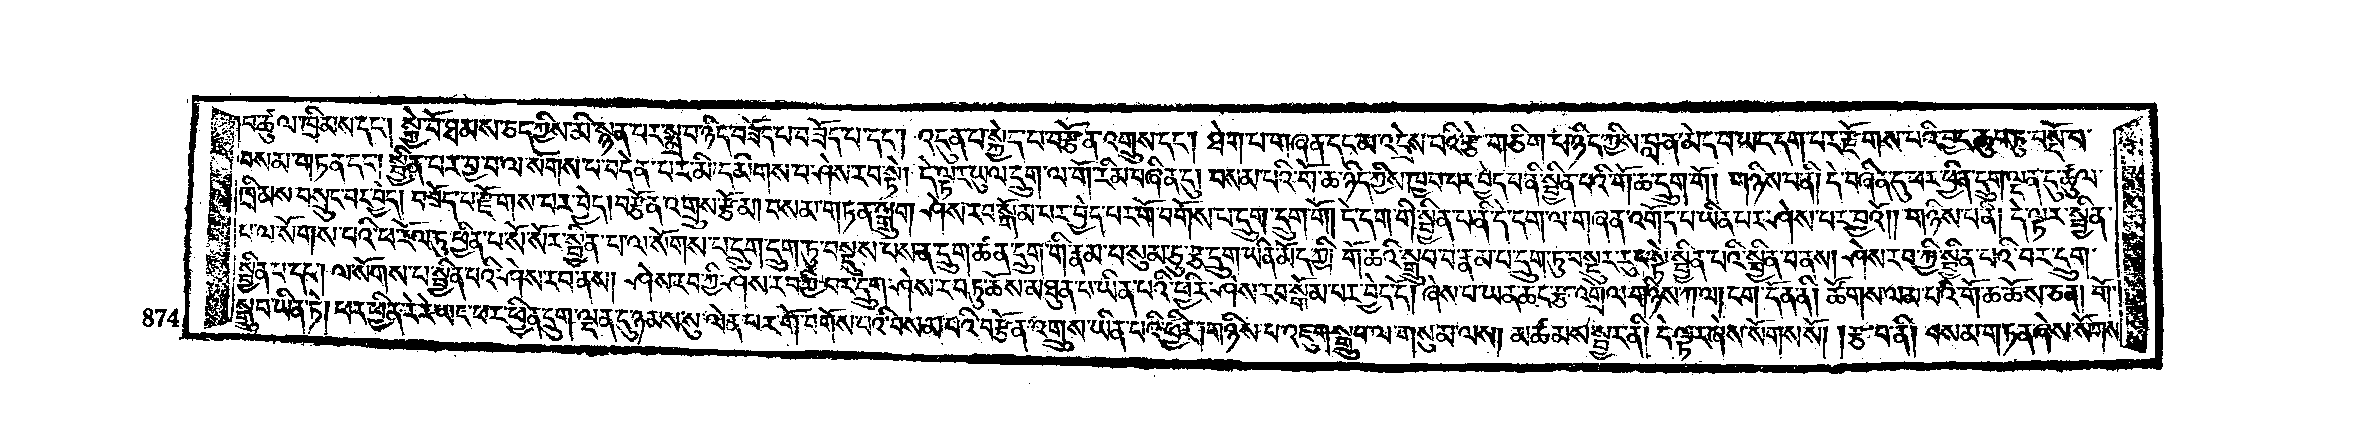བ་ཚུལ་ཁྲིམས་དང་། སྐྱེ་བོ་ཐམས་ཅད་ཀྱིས་མི་སྙན་པར་སྨྲ་བ་ཉིད་བཟོད་པ་བཟོད་པ་དང་། འདུན་པ་སྐྱེད་པ་བརྩོན་འགྲུས་དང་། ཐེག་པ་གཞན་དང་མ་འདྲེས་པའི་རྩེ་གཅིག་པ་ཉིད་ཀྱིས་བླ་ན་མེད་པ་ཡང་དག་པར་རྫོགས་པའི་བྱང་ཆུབ་ཏུ་བསྔོ་བ་
བསམ་གཏན་དང་། སྦྱིན་པར་བྱ་བ་ལ་སོགས་པ་བདེན་པར་མི་དམིགས་པ་ཤེས་རབ་སྟེ། དེ་ལྟར་ཡུལ་དྲུག་ལ་གོ་རིམ་བཞིན་དུ། བསམ་པའི་གོ་ཆ་ཉིད་ཀྱིས་ཁྱབ་པར་བྱེད་པ་ནི་སྦྱིན་པའི་གོ་ཆ་དྲུག་གོ །གཉིས་པ་ནི། དེ་བཞིན་དུ་ཕར་ཕྱིན་དྲུག་ལྡན་དུ་ཚུལ་
ཁྲིམས་བསྲུང་བར་བྱེད། བཟོད་པ་རྫོགས་པར་བྱེད། བརྩོན་འགྲུས་རྩོམ། བསམ་གཏན་སྒྲུབ། ཤེས་རབ་སྒོམ་པར་བྱེད་པར་གོ་བགོས་པ་དྲུག་དྲུག་གོ །དེ་དག་གི་སྦྱིན་པ་ནི་དེ་དག་ལ་གཞན་འགོད་པ་ཡིན་པར་ཤེས་པར་བྱའོ། །གཉིས་པ་ནི། དེ་ལྟར་སྦྱིན་
པ་ལ་སོགས་པའི་ཕ་རོལ་ཏུ་ཕྱིན་པ་སོ་སོར་སྦྱིན་པ་ལ་སོགས་པ་དྲུག་དྲུག་ཏུ་བསྡུས་པས་ན་དྲུག་ཚན་དྲུག་གི་རྣམ་པ་སུམ་ཅུ་རྩ་དྲུག་ཡིན་མོད་ཀྱི། གོ་ཆའི་སྒྲུབ་པ་རྣམ་པ་དྲུག་ཏུ་བསྡུར་རུང་སྟེ་སྦྱིན་པའི་སྦྱིན་པ་ནས། ཤེས་རབ་ཀྱི་སྦྱིན་པའི་བར་དྲུག་
སྦྱིན་པ་དང་། ལ་སོགས་པ་སྦྱིན་པའི་ཤེས་རབ་ནས། ཤེས་རབ་ཀྱི་ཤེས་རབ་ཀྱི་བར་དྲུག་ཤེས་རབ་ཏུ་ཆོས་མཐུན་པ་ཡིན་པའི་ཕྱིར་ཤེས་རབ་སྒོམ་པར་བྱེད་དོ། །ཞེས་པ་ཡན་ཆད་རྩ་འགྲེལ་གཉིས་ཀ་ལ། ངག་དོན་ནི། ཚོགས་ལམ་པའི་གོ་ཆ་ཆོས་ཅན། གོ་
སྒྲུབ་ཡིན་ཏེ། ཕར་ཕྱིན་རེ་རེ་ཡང་ཕར་ཕྱིན་དྲུག་ལྡན་དུ་ཉམས་སུ་ལེན་པར་གོ་བགོས་པའི་བསམ་པའི་བརྩོན་འགྲུས་ཡིན་པའི་ཕྱིར། གཉིས་པ་འཇུག་སྒྲུབ་ལ་གསུམ་ལས། མཚམས་སྦྱར་ནི། དེ་ལྟར་ཞེས་སོགས་སོ། །རྩ་བ་ནི། བསམ་གཏན་ཞེས་སོགས་